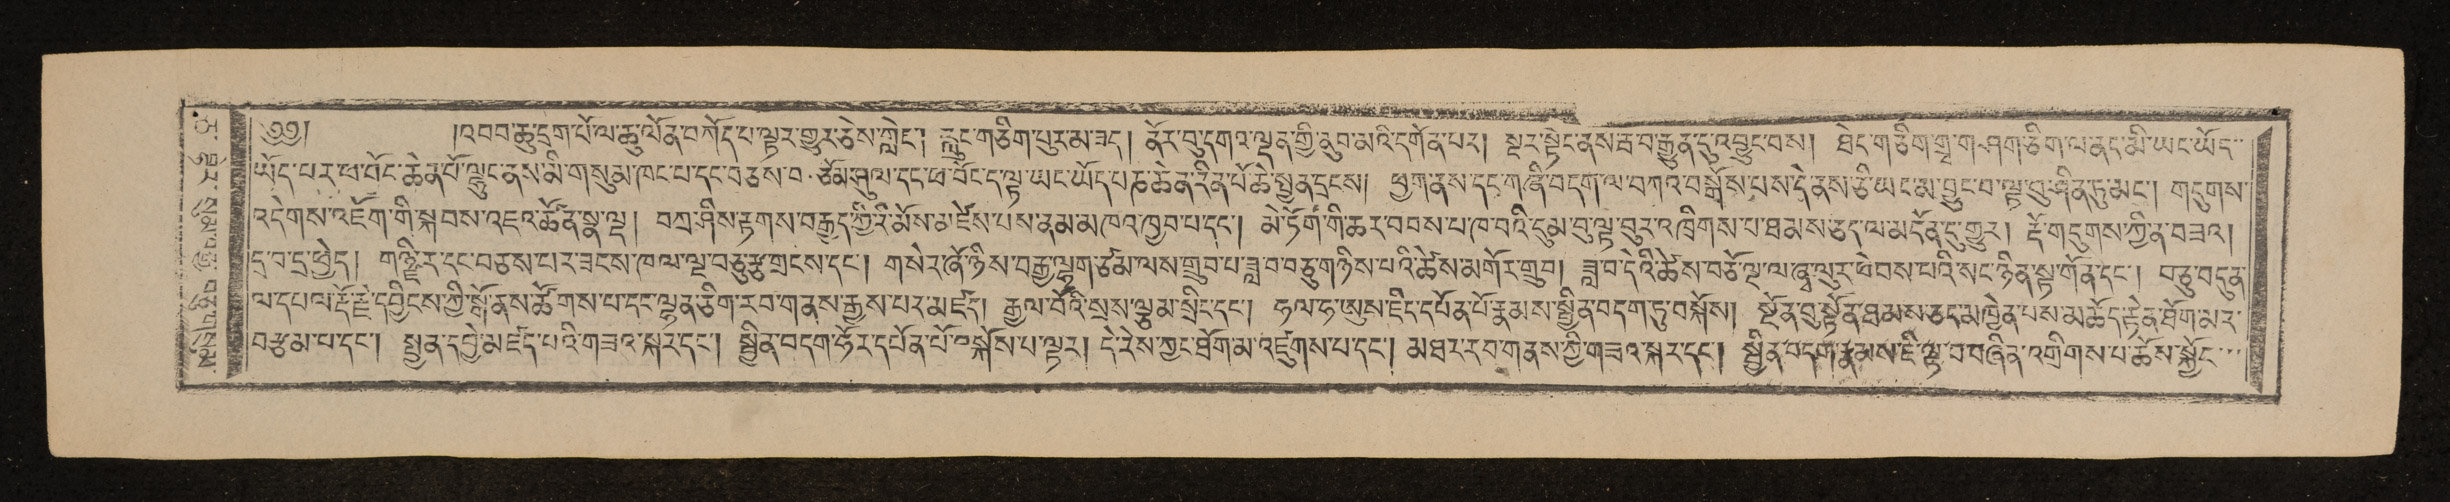༄༅། །འབབ་ཆུ་དྲག་པོ་ལ་ཆུ་ལོན་བཀོད་པ་ལྟར་གྱུར་ཅེས་གླེང་། རླུང་གཅིག་པུར་མ་ཟད། ནོར་བུ་དགའ་ལྡན་གྱི་ནུབ་མའི་དགོན་པར། སྔར་སྟེང་ནས་རྦབ་རྒྱུན་དུ་འབྱུང་བས། ཐེང་གཅིག་གྲྭ་གཤག་ཅིག་ལ་ནང་མི་ཡང་ཡོང་
ཡོད་པར་ཕ་བོང་ཆེན་པོ་ལྷུང་ནས་མི་གསུམ་ཁང་པ་དང་བཅས་བཅོམ་ཤུལ་དང་ཕ་བོང་ད་ལྟ་ཡང་ཡོད་པཎ་ཆེན་རིན་པོ་ཆེ་སྤྱན་དྲངས། ཕྱག་ནས་དང་གཞི་བདག་ལ་བཀའ་བསྒོས་པས་དེ་ནས་ཅི་ཡང་མ་བྱུང་བ་ལྟ་བུ་ཤིན་ཏུ་མང་། གདུགས་
འདེགས་འཇོག་གི་སྐབས་འཇའ་ཚོན་སྣ་ལྔ། བཀྲ་ཤིས་རྟགས་བརྒྱད་ཀྱི་རི་མོས་མཛེས་པས་ནམ་མཁའ་ཁྱབ་པ་དང་། མེ་ཏོག་གི་ཆར་བབས་པ་ཁ་བའི་དུམ་བུ་ལྟ་བུར་འཁྲིགས་པ་ཐམས་ཅད་ལ་མངོན་དུ་གྱུར། རྡོ་གདུགས་ཀྱི་ན་བཟའ།
དྲ་བ་དྲ་ཕྱེད། གཉྫི་ར་དང་བཅས་པར་ཟངས་ཁལ་ལྔ་བཅུ་རྩ་གྲངས་དང་། གསེར་ཞོ་ཉིས་བརྒྱ་ལྷག་ཙམ་ལས་གྲུབ་པ་ཟླ་བ་བཅུ་གཉིས་པའི་ཚེས་མགོར་གྲུབ། ཟླ་བ་དེའི་ཚེས་བཅོ་ལྔ་ལ་ཞྭ་ལུར་ཕེབས་པའི་སང་ཉིན་སྟ་གོན་དང་། བཅུ་བདུན་
ལ་དཔལ་རྡོ་རྗེ་དབྱིངས་ཀྱི་སྒོ་ནས་ཚོགས་པ་དང་ལྷན་ཅིག་རབ་གནས་རྒྱས་པར་མཛད། རྒྱལ་པོའི་སྲས་ལྕམ་སྲིང་དང་། ཧལ་ཧ་ཨུས་ཇིང་དཔོན་པོ་རྣམས་སྦྱིན་བདག་ཏུ་བསྐོས། སྔོན་བུ་སྟོན་ཐམས་ཅད་མཁྱེན་པས་མཆོད་རྟེན་ཐོག་མར་
བརྩམ་པ་དང་། སྤྱན་དབྱེ་མཛད་པའི་གཟའ་སྐར་དང་། སྦྱིན་བདག་ཧོར་དཔོན་པོ་བསྐོས་པ་ལྟར། དེ་རེས་ཀྱང་ཐོག་མ་འཛུགས་པ་དང་། མཐར་རབ་གནས་ཀྱི་གཟའ་སྐར་དང་། སྦྱིན་བདག་རྣམས་ཇི་ལྟ་བ་བཞིན་འགྲིགས་པ་ཆོས་སྐྱོང་